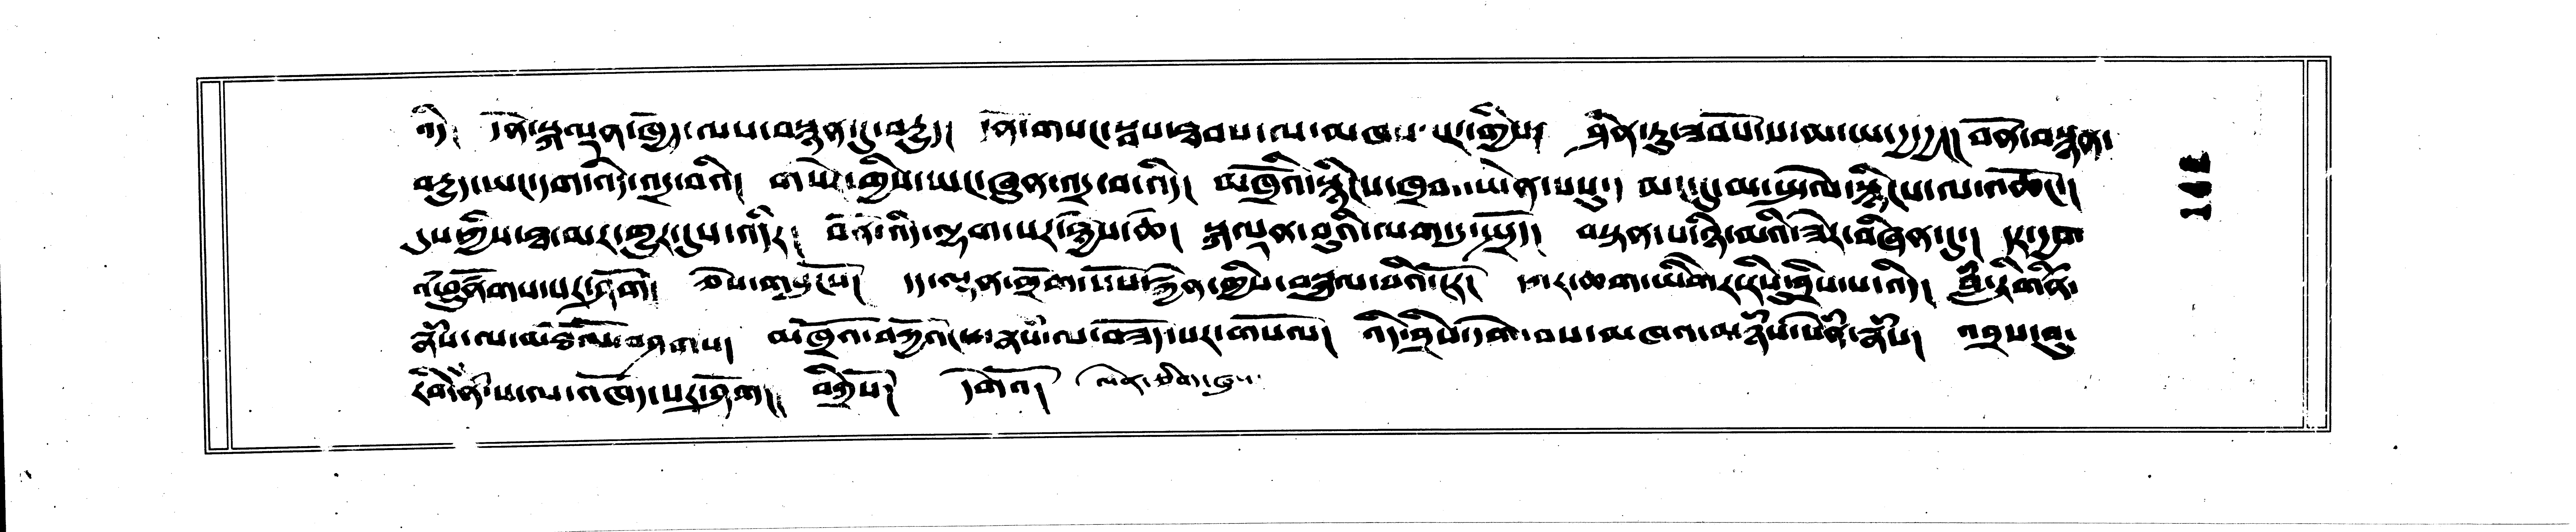འདི། སྐལ་ལྡན་ཁྱོད་ལས་སྙན་དུ་བརྒྱུད། དོན་གསང་སྦས་ཐབས་ལ་མཁས་པར་གྱིས། ཤིན་ཏུ་ཟབ་པོ་ས་མ་ཡ་རྒྱ་རྒྱ། བོན་སྙན་
རྒྱུད་ཡང་དག་འདི་འདྲ་བའི། གསེར་གྱི་ཡང་ཞུན་འདྲ་བ་འདི། མཁའ་འགྲོའི་སྙིང་ཁྲག་ཡིན་པས་སུ། མང་དུ་མ་སྤེལ་སྙིང་ལ་ཆོངས། 
དུས་ཀྱི་ཐ་མར་གྱུར་དུས་འདིར། བོན་འདི་ལྷག་པར་ཐུགས་རྗེ་ཆེ། སྐལ་ལྡན་བུ་ཡི་ལག་ཏུ་སྤྲོད། བསྟན་པ་ཉི་མའི་ཟེར་བཞིན་དུ། དར་རྒྱས་
ཕུན་སུམ་ཚོགས་པར་ཤོག །ཅེས་གསུངས་སོ། །དད་ལྡན་གྲོགས་པོའི་རྐྱེན་གྱིས་བསྐུལ་བའི་ངོར། དཀར་ཆག་ཡི་གེ་རིས་སུ་བྲིས་པ་འདི། བླ་མ་རིག་འཛིན་
རྣམས་ལ་མཐོལ་ལོ་བཤགས། མཁའ་འགྲོ་བཀའ་སྐྱོང་རྣམས་ལ་བཟོད་པར་གསོལ། འདི་བྲིས་དགེ་བས་མཁའ་མཉམ་སེམས་ཅན་རྣམས། འབྲས་བུ་
རིག་འཛིན་ས་ལ་འཁོད་པར་ཤོག། །།བཀྲ་ཤིས། དགེའོ།། །།